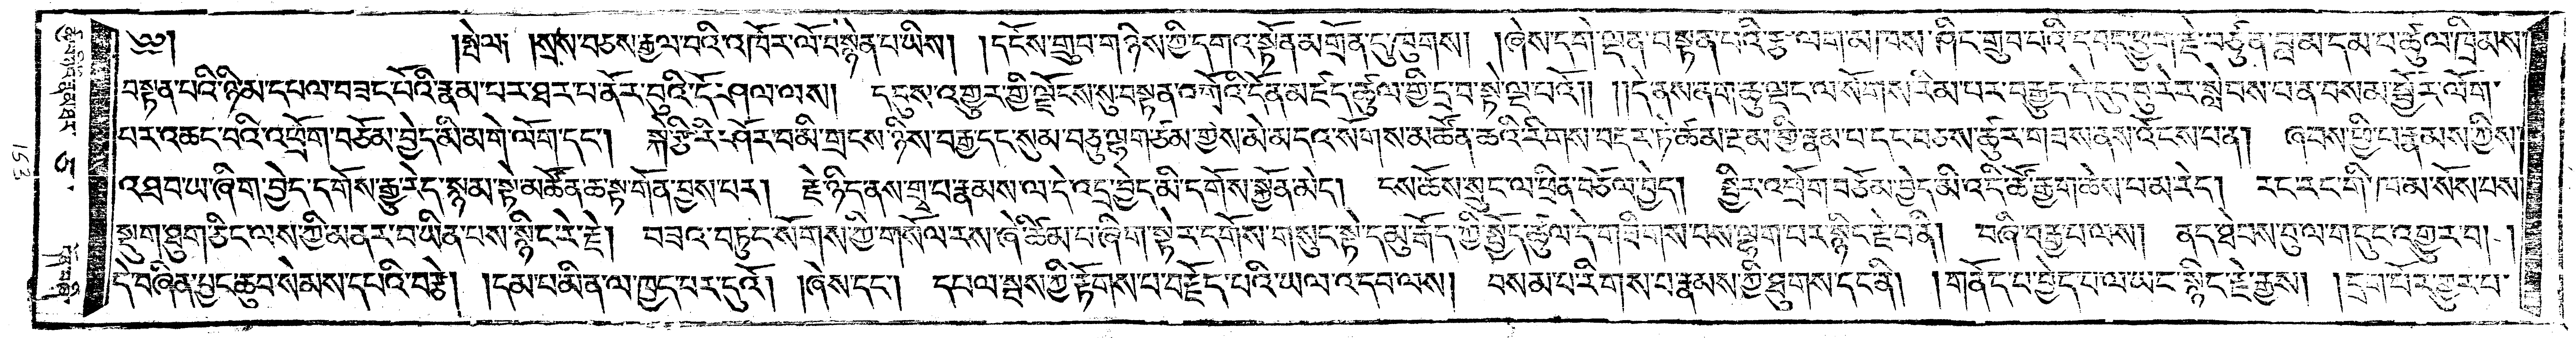༄༅། །སྤེལ། །སྲས་བཅས་རྒྱལ་བའི་འཁོར་ལོ་བསྙེན་པ་ཡིས། །དངོས་གྲུབ་གཉིས་ཀྱི་དགའ་སྟོན་མགྲོན་དུ་ཁུགས། །ཞེས་དགེ་ལྡན་བསྟན་པའི་རྩ་ལག་མཁས་ཤིང་གྲུབ་བའི་དབང་ཕྱུག་རྗེ་བཙུན་བླ་མ་དམ་པ་ཚུལ་ཁྲིམས་
བསྟན་བའི་ཉི་མ་དཔལ་བཟང་པོའི་རྣམ་པར་ཐར་པ་ནོར་བུའི་དོ་ཤལ་ལས། དངུས་འགྱུར་གྱི་ལྗོངས་སུ་བསྟན་འགྲོའི་དོན་མཛད་ཚུལ་གྱི་དྲ་བ་སྟེ་ལྡ་བའོ།། །།དེ་ནས་ནག་ཆུ་ལྡང་ལ་སོགས་རིམ་པར་བརྒྱུད་དེ་དུད་བུ་རེར་སླེབས་པ་ན་བསམ་སྦྱོར་ལོག་
བར་འཆང་བའི་འཕྲོག་བཅོམ་བྱེད་མི་མགོ་ལོག་དང་། སྐེ་རྩི་རི་ཤོར་བ་མི་གྲངས་ཉིས་བརྒྱ་དང་སུམ་བཅུ་ལྷག་ཙམ་གྱིས་མེ་མདའ་སོགས་མཚོན་ཆའི་རིགས་བརྡར་ཏེ་ཚམ་རྔམ་གྱི་རྣམ་པ་དང་བཅས་ཚུར་གཟས་ནས་འོངས་པ་ན། ཞབས་ཕྱི་པ་རྣམས་ཀྱིས་
འཐབ་ཡ་ཞིག་བྱེད་དགོས་རྒྱུ་རེད་སྙམ་སྟེ་མཚོན་ཆ་སྟ་གོན་བྱས་བར། རྗེ་ཉིད་ནས་གྲྭ་བ་རྣམས་ལ་དེ་འདྲ་བྱེད་མི་དགོས་སྐྱོན་མེད། ངས་ཆོས་སྲུང་ལ་ཕྲིན་བཅོལ་བྱེད། སྤྱིར་འཕྲོག་བཅོམ་བྱེད་མི་འདི་ཚོ་རྒྱག་ཆེས་པ་མ་རེད། རང་རང་གི་ཁ་མ་སོས་བས་
སྡུག་ཐུག་ཅིང་ལས་ཀྱི་མནར་བ་ཡིན་བས་སྙིང་རེ་རྗེ། བཟའ་བཏུང་སོགས་ཀྱི་གསོལ་རས་ཞེ་ཚིམ་བ་ཞིག་སྟེར་དགོས་གསུང་སྟེ་དམུ་རྒོད་ཀྱི་སྤྱོད་ཚུལ་དེ་གཟིགས་བས་ལྷག་པར་སྙིང་རྗེ་བ་ནི། བཞི་བརྒྱ་པ་ལས། ནད་ཐེབས་བུ་ལ་གདུང་འགྱུར་བ། །
དེ་བཞིན་བྱང་ཆུབ་སེམས་དཔའི་བརྩེ། །དམ་པ་མིན་ལ་ཁྱད་པར་དུའོ། །ཞེས་དང་། དཔལ་སྦས་ཀྱི་རྟོགས་པ་བརྗོད་བའི་ཡལ་འདབ་ལས། བསམ་པ་རིགས་བ་རྣམས་ཀྱི་ཐུགས་དང་ནི། །གནོད་བ་བྱེད་པ་ལ་ཡང་སྙིང་རྗེ་རྒྱས། །དྲག་བོར་གྱུར་བ་